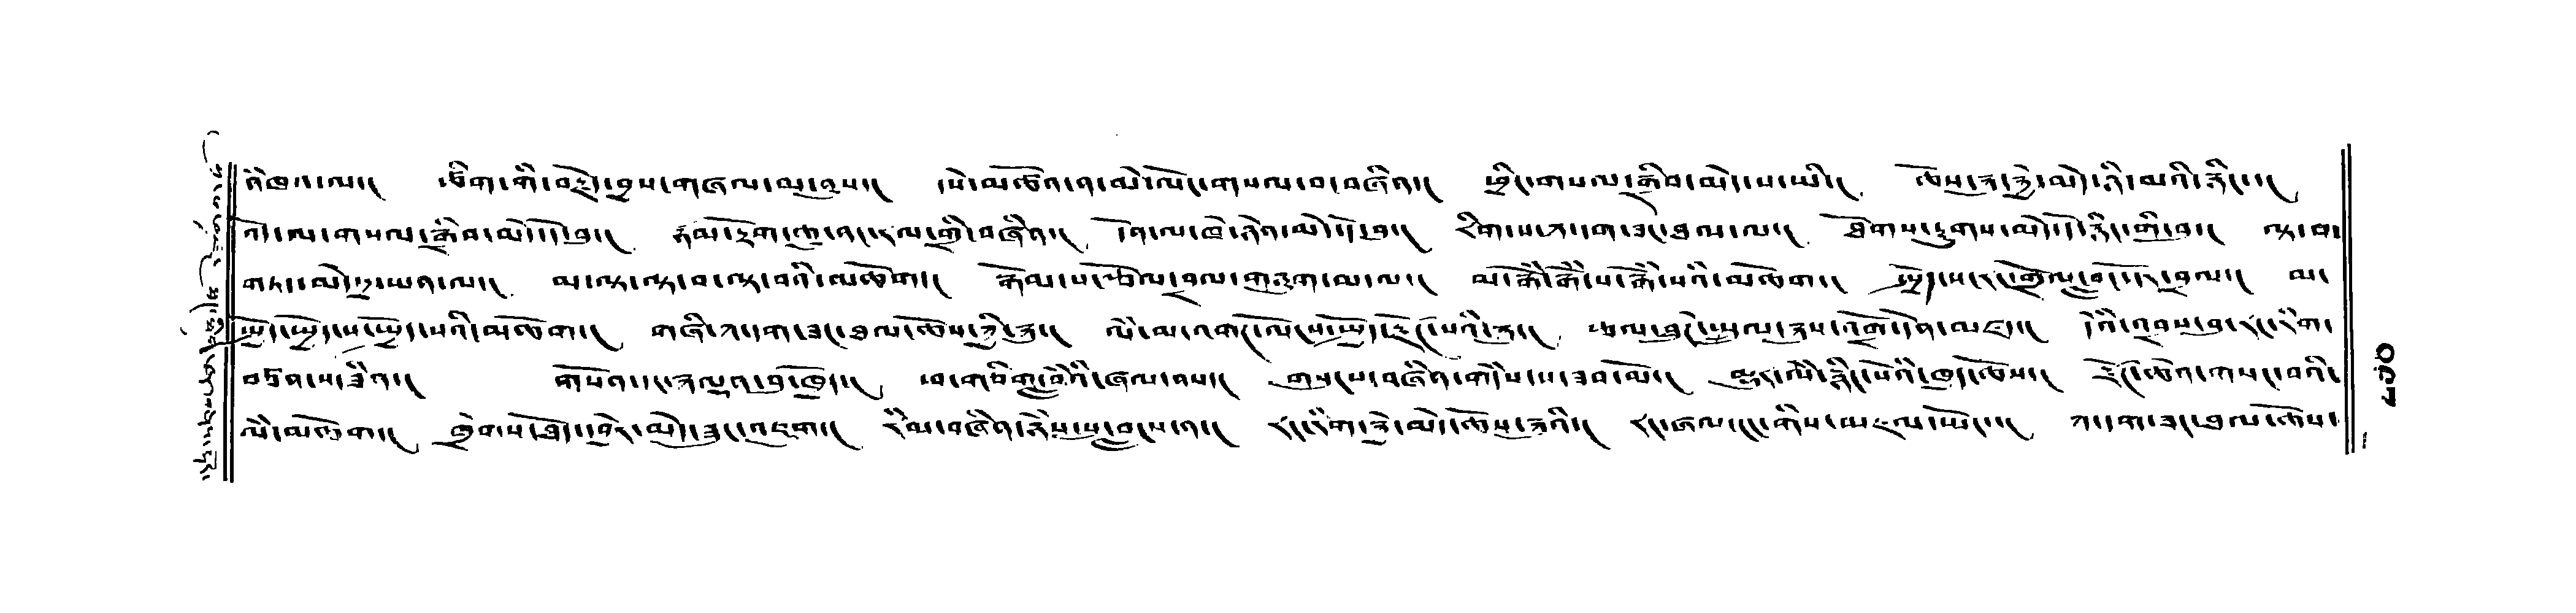ནམ་མཁའ་ལ། །ཚིག་གི་བརྗོད་བྱས་གཞལ་མ་ནུས། །དཔེ་མཚོན་ན་མེ་ལོང་གསལ་བ་བཞིན། །ཕྱི་ནང་གསལ་སྒྲིབ་མེད་པ་ཡི། །ཆོས་སྐུ་སྐྱེ་མེད་ཉི་མའི་སྙིང་། །
འོད་ལ་གསལ་སྒྲིབ་མེད་དོ་བུ། །རྣམ་རྟོག་ཆུ་ནང་རལ་གྲི་བཞིན། །དོན་ལ་ཁེ་ཉེན་མེད་དོ་བུ། །རིག་པ་ཀ་དག་ཟང་ཐལ་ལ། །ཐོགས་རྡུགས་མེད་དོ་སྙིང་གི་བུ། །ལྟ་བ་
གཏད་མེད་རྒྱ་ཡན་ལ། །མི་ལྟ་ལྟ་བ་ལྟ་བའི་མཆོག།སྒོམ་པ་རྩོལ་བྲལ་གཉུག་མ་ལ། །མི་སྒོམ་སྒོམ་པ་སྒོམ་པའི་མཆོག །སྤྱོད་པ་རང་གྲོལ་བླང་དོར་བྲལ། །མི་
སྤྱོད་སྤྱོད་པ་སྤྱོད་པའི་མཆོག །གཞི་ཀ་དག་ཟང་ཐལ་ཆོས་ཀྱི་སྐུ། །ལམ་མ་འགགས་ལོངས་སྤྱོད་རྫོགས་པའི་སྐུ། །རྩལ་ཐུགས་རྗེ་སྤྲུལ་སྐུས་འགྲོ་དོན་མཛད། །དེའི་འབྲས་བུ་རང་རིག་
བཙན་ས་ཟིན། །གསོན་དང་སྐལ་ལྡན་བུ་ཁྱོད། །ཕ་གཅིག་བླ་མའི་ཞལ་ནས། །གསུངས་བཞིན་གདམས་པ་ཟབ་མོ། །མྱུར་ལམ་སྙིང་པོའི་ཁྱད་ཆོས། །རྫོགས་ཆེན་གསང་བའི་
ལམ་མཆོག ཁྲེགས་ཐོད་དབྱེར་མེད་ཟུང་འཇུག །རིམ་བཞིན་ཉམས་སུ་བླངས་ན། །རང་རིག་སྐྱེ་མེད་ཆོས་སྐུའི། །རང་ཞལ་ངང་གིས་མཇལ་ཡོང་། །ཀ་དག་ཟང་ཐལ་ཆོས་